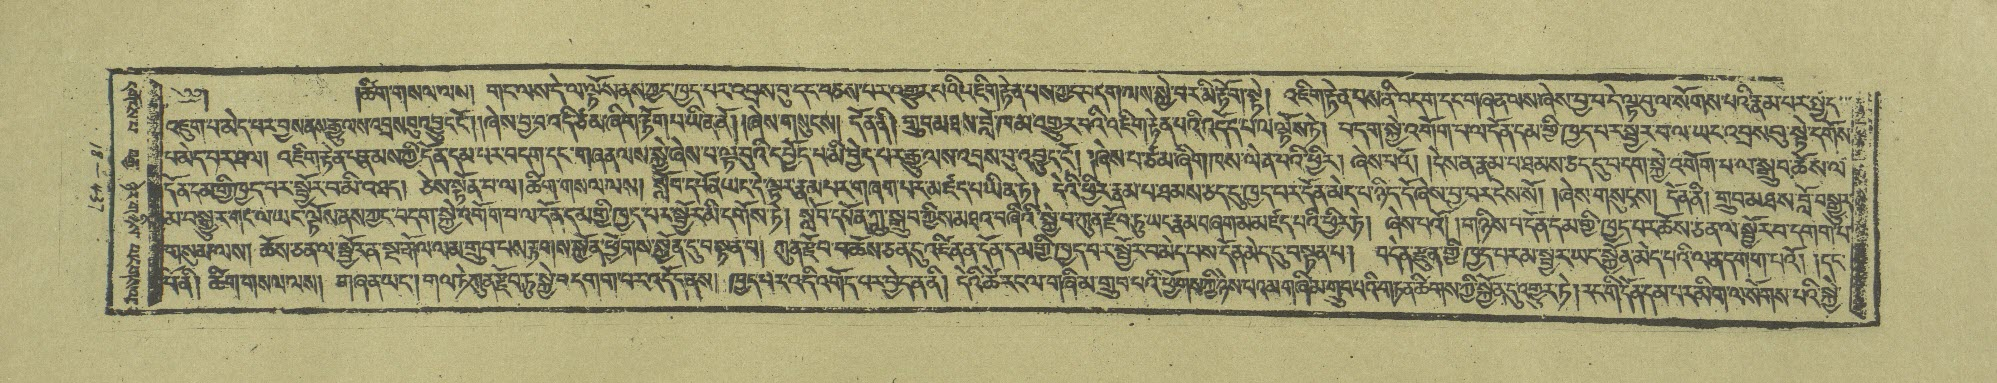༄༅། །ཚིག་གསལ་ལས། གང་ལས་དེ་ལ་ལྟོས་ནས་ཀྱང་ཁྱད་པར་འབྲས་བུ་དང་བཅས་པར་འགྱུར་པའི་འཇིག་རྟེན་པས་ཀྱང་བདག་ལས་སྐྱེ་བར་མི་རྟོག་སྟེ། འཇིག་རྟེན་པས་ནི་བདག་དང་གཞན་ལས་ཞེས་བྱ་བ་དེ་ལྟ་བུ་ལ་སོགས་པའི་རྣམ་པར་སྤྱོད་པ་
འཇུག་པ་མེད་པར་བྱས་ནས་རྒྱུ་ལས་འབྲས་བུ་འབྱུང་ངོ། །ཞེས་བྱ་བ་འདི་ཙམ་ཞིག་རྟོག་པ་ཡིན་ནོ། །ཞེས་གསུངས། དོན་ནི། གྲུབ་མཐས་བློ་ཁ་མ་འགྱུར་བའི་འཇིག་རྟེན་པའི་འདོད་པ་ལ་ལྟོས་ཏེ། བདག་སྐྱེ་འགོག་པ་ལ་དོན་དམ་གྱི་ཁྱད་པར་སྦྱར་བ་ལ་ཡང་འབྲས་བུ་སྟེ་དགོས་
པ་མེད་པར་ཐལ། འཇིག་རྟེན་པ་རྣམས་ཀྱི་དོན་དམ་པར་བདག་དང་གཞན་ལས་སྐྱེ་ཞེས་པ་ལྟ་བུའི་དཔྱོད་པ་མི་བྱེད་པར་རྒྱུ་ལས་འབྲས་བུ་འབྱུང་ངོ། །ཞེས་པ་ཙམ་ཞིག་ཁས་ལེན་པའི་ཕྱིར། ཞེས་པའོ། །དེས་ན་རྣམ་པ་ཐམས་ཅད་དུ་བདག་སྐྱེ་འགོག་པ་ལ་སྒྲུབ་ཆོས་ལ་
དོན་དམ་གྱི་ཁྱད་པར་སྦྱོར་བ་མི་འཐད། ཅེས་སྟོན་པ་ལ། ཚིག་གསལ་ལས། སློབ་དཔོན་ཡང་དེ་ལྟར་རྣམ་པར་གཞག་པར་མཛད་པ་ཡིན་ཏེ། དེའི་ཕྱིར་རྣམ་པར་ཐམས་ཅད་དུ་ཁྱད་པར་དོན་མེད་པ་ཉིད་དོ་ཞེས་བྱ་བར་ངེས་སོ། །ཞེས་གསུངས། དོན་ནི། གྲུབ་མཐས་བློ་བསྒྱུར་
མ་བསྒྱུར་གང་ལ་ཡང་ལྟོས་ནས་ཀྱང་བདག་སྐྱེ་དགོག་པ་ལ་དོན་དམ་གྱི་ཁྱད་པར་སྦྱོར་མི་དགོས་ཏེ། སློབ་དཔོན་ཀླུ་སྒྲུབ་ཀྱིས་མཐའ་བཞིའི་སྐྱེ་བ་ཀུན་རྫོབ་ཏུ་ཡང་རྣམ་བཞག་མ་མཛད་པའི་ཕྱིར་ཏེ། ཞེས་པའོ། །གཉིས་པ་དོན་དམ་གྱི་ཁྱད་པར་ཆོས་ཅན་ལ་སྦྱོར་བ་དགག་པ་
གསུམ་ལས། ཆོས་ཅན་ལ་སྦྱོར་ན་སྔ་རྒོལ་ལ་མ་གྲུབ་པས་རྟགས་སྐྱོན་ཕྱོགས་སྐྱོན་དུ་བསྟན་པ། ཀུན་རྫོབ་པ་ཆོས་ཅན་དུ་འཛིན་ན་དོན་དམ་གྱི་ཁྱད་པར་སྦྱོར་བ་མེད་པས་དོན་མེད་དུ་བསྟན་པ། བདེན་རྫུན་གྱི་ཁྱད་པར་མ་སྦྱར་ཡང་སྐྱོན་མེད་པའི་ལན་དགག་པའོ། །དང་
པོ་ནི། ཚིག་གསལ་ལས། གཞན་ཡང་། གལ་ཏེ་ཀུན་རྫོབ་ཏུ་སྐྱེ་བ་དགག་པར་འདོད་ནས། ཁྱད་པར་འདི་འགོད་པར་བྱེད་ན་ནི། དེའི་ཚེ་རང་ལ་གཞི་མ་གྲུབ་པའི་ཕྱོགས་ཀྱི་ཉེས་པའམ་གཞི་མ་གྲུབ་པའི་གཏན་ཚིགས་ཀྱི་སྐྱོན་དུ་འགྱུར་ཏེ། རང་གི་དོན་དམ་པར་མིག་ལ་སོགས་པའི་སྐྱེ་